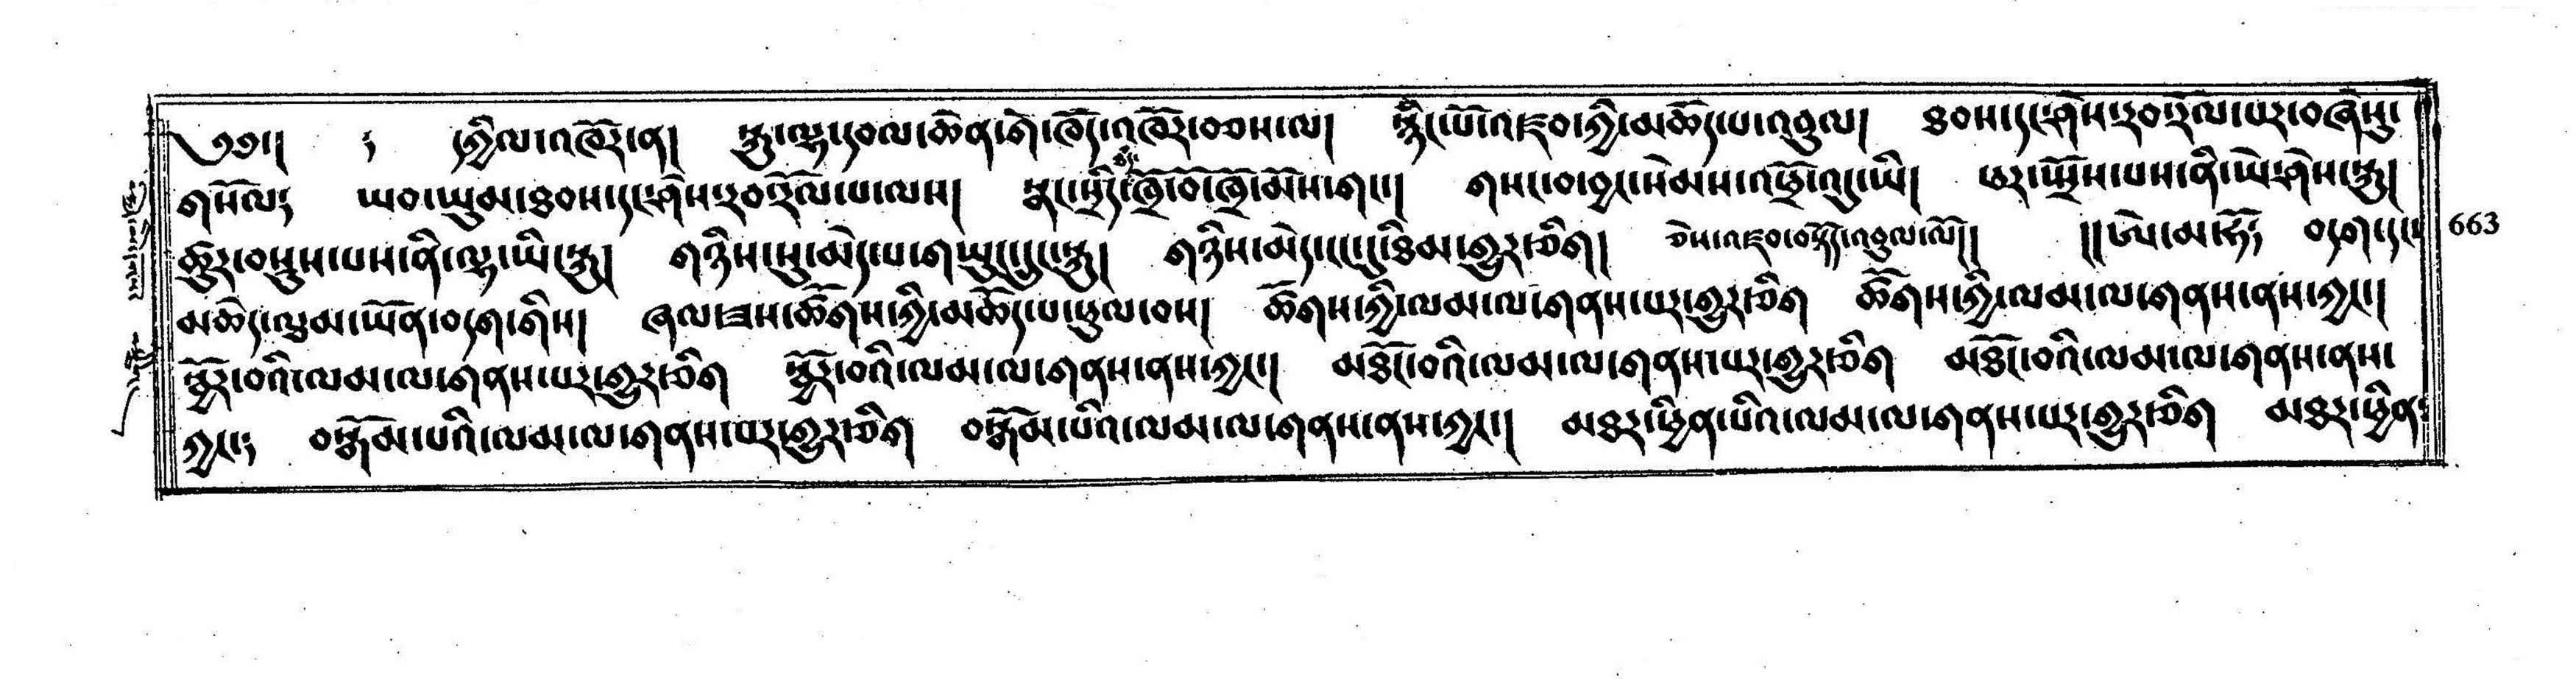དཀྱིལ་འཁོར་ན། སྐུ་ལྷ་དབལ་ཆེན་གེ་ཁོད་འཁོར་བཅས་ལ། སྙིང་པོ་འཛབ་ཀྱི་མཆོད་པ་འབུལ། ཐབས་དང་ཤེས་རབ་རོལ་པར་བཞེས་སུ་
གསོལ། ཡབ་ཡུམ་ཐབས་དང་ཤེས་རབ་རོལ་པ་ལས། སྣང་སྲིད་ཐམས་ཅད་ཁྲོ་བོ་ཁྲོ་མོས་གང་། གསང་བ་བྱང་སེམས་འཕྲོ་འདུ་ཡི། ཕར་སྤྲོས་པས་ནི་ཡེ་ཤེས་སྐུ། 
ཚུར་བསྡུས་པས་ནི་ལྷ་ཡི་སྐུ། གཉིས་སུ་མེད་པ་གཡུང་དྲུང་སྐུ། གཉིས་མེད་ངང་དུ་ཐིམ་གྱུར་ཅིག ཅེས་འཛབ་བསྟོད་འབུལ་ལོ།། །།ཨེ་མ་ཧོ། བདག་དང་
མཆེད་ལྕམ་ཡོན་བདག་གིས། ཞལ་ཟས་ཚོགས་ཀྱི་མཆོད་པ་ཕུལ་བས། ཚོགས་ཀྱི་ལམ་ལ་གནས་པར་གྱུར་ཅིག ཚོགས་ཀྱི་ལམ་ལ་གནས་ནས་ཀྱང་། 
སྦྱོར་བའི་ལམ་ལ་གནས་པར་གྱུར་ཅིག སྦྱོར་བའི་ལམ་ལ་གནས་ནས་ཀྱང་། མཐོང་བའི་ལམ་ལ་གནས་པར་གྱུར་ཅིག མཐོང་བའི་ལམ་ལ་གནས་ནས་
ཀྱང་། བསྒོམ་པའི་ལམ་ལ་གནས་པར་གྱུར་ཅིག བསྒོམ་པའི་ལམ་ལ་གནས་ནས་ཀྱང་། མཐར་ཕྱིན་པའི་ལམ་ལ་གནས་པར་གྱུར་ཅིག མཐར་ཕྱིན་